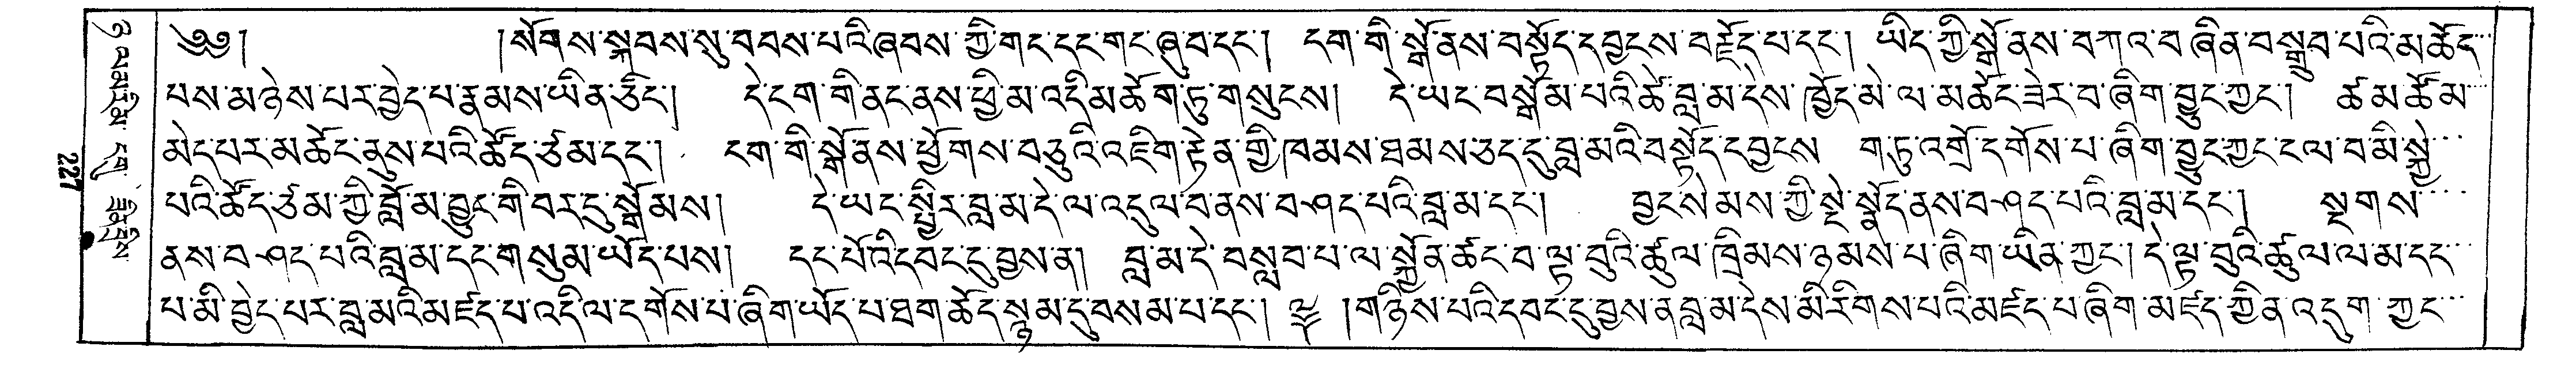༄༅། །སོགས་སྐབས་སུ་བབས་པའི་ཞབས་ཕྱི་གང་དང་གང་ཞུ་བ་དང་། ངག་གི་སྒོ་ནས་བསྟོད་དབྱངས་བརྗོད་པ་དང་། ཡིད་ཀྱི་སྒོ་ནས་བཀའ་བཞིན་བསྒྲུབ་པའི་མཆོད་
པས་མཉེས་པར་བྱེད་པ་རྣམས་ཡིན་ཅིང་། དེ་དག་གི་ནང་ནས་ཕྱི་མ་འདི་མཆོག་ཏུ་གསུངས། དེ་ཡང་བསྒོམ་པའི་ཚེ་བླ་མ་དེས་ཁྱོད་མེ་ལ་མཆོད་ཟེར་བ་ཞིག་བྱུང་ཀྱང་། ཚམ་ཚོམ་
མེད་པར་མཆོད་ནུས་པའི་ཚོད་ཙམ་དང་། ངག་གི་སྒོ་ནས་ཕྱོགས་བཅུའི་འཇིག་རྟེན་གྱི་ཁམས་ཐམས་ཅད་དུ་བླ་མའི་བསྟོད་དབྱངས་སྒྲོག་ཏུ་འགྲོ་དགོས་པ་ཞིག་བྱུང་ཀྱང་ངལ་བ་མི་སྐྱེ་
བའི་ཚོད་ཙམ་ཀྱི་བློ་མ་བྱུང་གི་བར་དུ་སྒོམས། དེ་ཡང་སྤྱིར་བླ་མ་དེ་ལ་འདུལ་བ་ནས་བཤད་པའི་བླ་མ་དང་། བྱང་སེམས་ཀྱི་སྡེ་སྣོད་ནས་བཤད་པའི་བླ་མ་དང་། སྔགས་
ནས་བཤད་པའི་བླ་མ་དང་གསུམ་ཡོད་པས། དང་པོའི་དབང་དུ་བྱས་ན། བླ་མ་དེ་བསླབ་པ་ལ་སྐྱོན་ཚང་བ་ལྟ་བུའི་ཚུལ་ཁྲིམས་ཉམས་པ་ཞིག་ཡིན་ཀྱང་། དེ་ལྟ་བུའི་ཚུལ་ལ་མ་དད་
པ་མི་བྱེད་པར་བླ་མའི་མཛད་པ་འདི་ལ་དགོས་པ་ཞིག་ཡོད་པ་ཐག་ཆོད་སྙམ་དུ་བསམ་པ་དང་། ༈ །གཉིས་པའི་དབང་དུ་བྱས་ན་བླ་མ་དེས་མི་རིགས་པའི་མཛད་པ་ཞིག་མཛད་ཀྱིན་འདུག་ཀྱང་